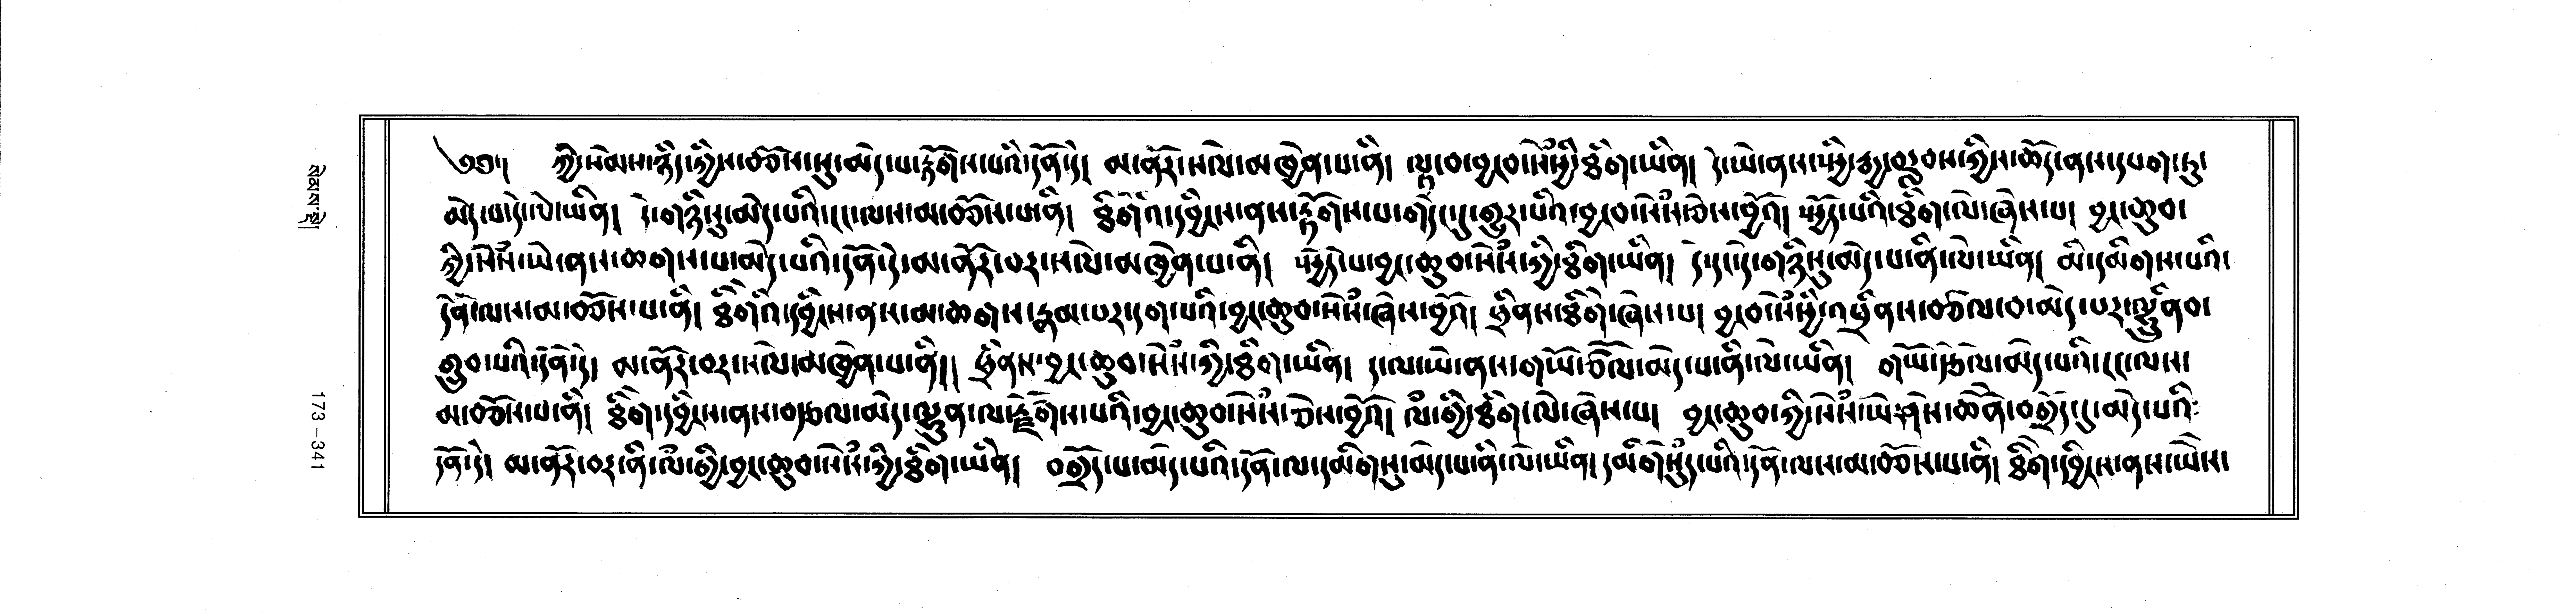ཀྱི་སེམས་ཉིད་ཀྱིས་བཅོས་སུ་མེད་པ་རྟོགས་པའི་དོན་དེ། མ་ནོར་སལེ་མཁྱེན་པ་ནི། ལྟ་བ་བྱང་ཆུབ་སེམས་ཀྱི་ཐིག་ཡིན། དེ་ཡེ་ནས་སྤྱི་རྒྱ་རླབས་ཀྱིས་ཆོད་ནས་དཔག་ཏུ་
མེད་པ་དེ་ལེ་ཡིན། དེ་གཉིས་སུ་མེད་པའི་ངང་ལས་མ་བཅོས་པ་ནི། ཐིག་ལེའི་དབྱིངས་ལས་རྟོགས་པ་གདེང་དུ་གྱུར་པའི་བྱང་ཆུབ་སེམས་ཅེས་བྱའོ། །སྤྱོད་པའི་ཐིག་ལེ་ཞེས་པ། བྱང་ཆུབ་
ཀྱི་སེམས་ཡེ་ནས་ཆགས་པ་མེད་པའི་དོན་དེ་མ་ནོར་བར་སལེ་མཁྱེན་པ་ནི། སྤྱོད་པ་བྱང་ཆུབ་སེམས་ཀྱི་ཐིག་ལེ་ཡིན། དེ་དང་དེ་གཉིས་སུ་མེད་པ་ནི་ལེ་ཡིན། མི་དམིགས་པའི་
དོན་ལ་མ་བཅོས་པ་ནི། ཐིག་ལེའི་དབྱིངས་ནས་མ་ཆགས་རྣམ་པར་དག་པའི་བྱང་ཆུབ་སེམས་ཞེས་བྱའོ། །ཕྲིན་ལས་ཐིག་ལེ་ཅེས་པ། བྱང་ཆུབ་སེམས་ཀྱི་འཕྲིན་ལས་བརྩལ་བ་མེད་པར་ལྷུན་གྱིས་
གྲུབ་པའི་དོན་དེ། མ་ནོར་བར་སལེ་མཁྱེན་པ་ནི། འཕྲིན་ལས་བྱང་ཆུབ་སེམས་ཀྱི་ཐིག་ལེ་ཡིན། དེ་ལ་ཡེ་ནས་གཡོ་རྩོལ་མེད་པ་ནི་ལེ་ཡིན། གཡོ་རྩོལ་མེད་པའི་ངང་ལས་
མ་བཅོས་པ་ནི། ཐིག་ལེ་དབྱིངས་ནས་བརྩལ་མེད་ལྷུན་ལ་རྫོགས་པའི་བྱང་ཆུབ་སེམས་ཅེས་བྱའོ། །ལམ་གྱི་ཐིག་ལེ་ཞེས་པ། བྱང་ཆུབ་ཀྱི་སེམས་ཡེ་ཤེས་ཆེན་པོ་བགྲོད་དུ་མེད་པའི་
དོན་དེ། མ་ནོར་བ་ནི་ལམ་གྱི་བྱང་ཆུབ་སེམས་ཀྱི་ཐིག་ལེ་ཡིན། བགྲོད་པ་མེད་པའི་དོན་ལ་དམིགས་སུ་མེད་པ་ནི་ལེ་ཡིན། དམིགས་སུ་མེད་པའི་དོན་ལ་མ་བཅོས་པ་ནི། ཐིག་ལེ་དབྱིངས་ལས་ཡེ་ཤེས་